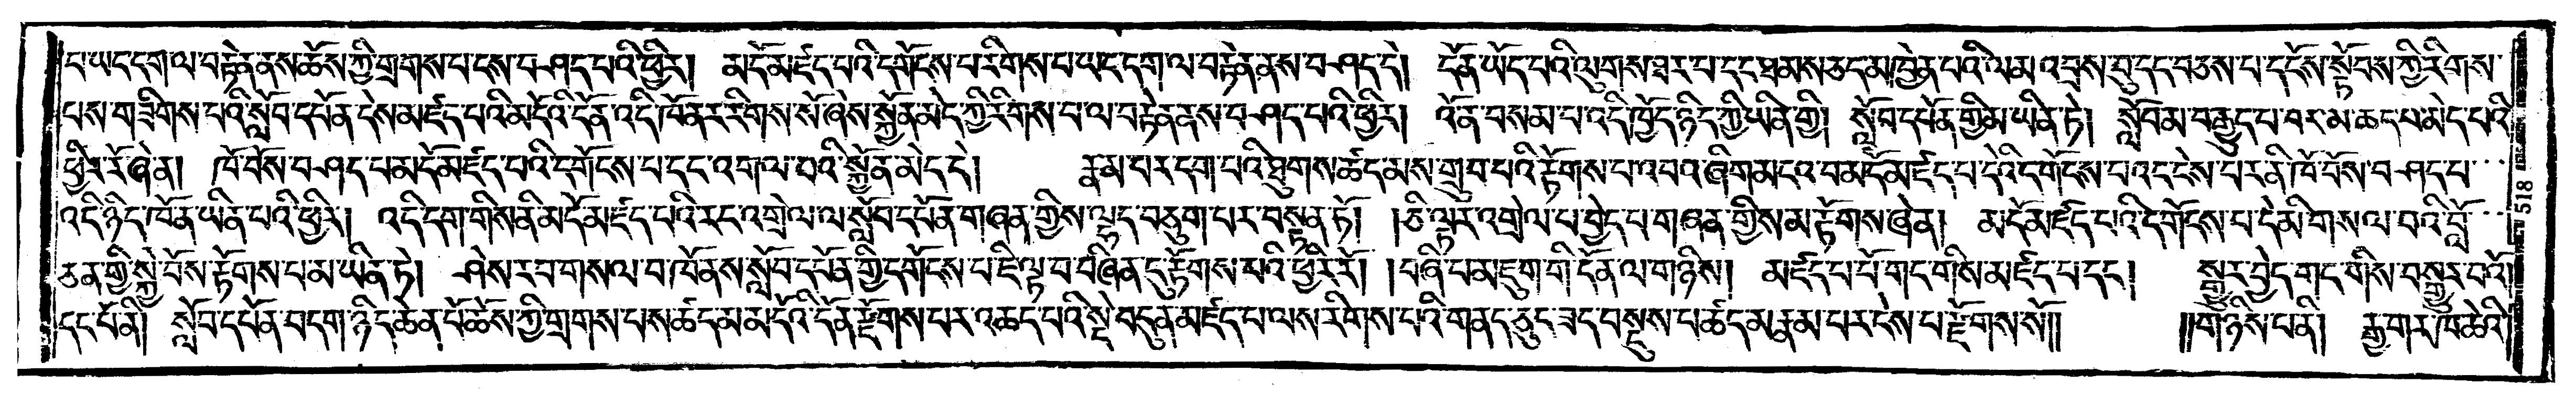པ་ཡང་དག་ལ་བརྟེན་ནས་ཆོས་ཀྱི་གྲགས་པ་ངས་བཤད་པའི་ཕྱིར། མདོ་མཛད་པའི་དགོངས་པ་རིགས་པ་ཡང་དག་ལ་བརྟེན་ནས་བཤད་དེ། དོན་ཡོད་པའི་ལུགས་ཐར་པ་དང་ཐམས་ཅད་མཁྱེན་པའི་ལམ་འབྲས་བུ་དང་བཅས་པ་དངོས་སྟོབས་ཀྱི་རིགས་
པས་གཟིགས་པའི་སློབ་དཔོན་དེས་མཛད་པའི་མདོའི་དོན་འདི་ཁོ་ནར་རིགས་སོ་ཞེས་སྐྱོན་མེད་ཀྱི་རིགས་པ་ལ་བརྟེན་ནས་བཤད་པའི་ཕྱིར། འོ་ན་བསམ་པ་འདི་ཁྱོད་ཉིད་ཀྱི་ཡིན་གྱི། སློབ་དཔོན་གྱི་མ་ཡིན་ཏེ། སློབ་མ་བརྒྱུད་པ་བར་མ་ཆད་བ་མེད་པའི་
ཕྱིར་རོ་ཞེ་ན། ཁོ་བོས་བཤད་པ་མདོ་མཛད་པའི་དགོངས་པ་དང་འགལ་བའི་སྐྱོན་མེད་དེ། རྣམ་པར་དག་པའི་ཐུགས་ཚད་མས་གྲུབ་པའི་རྟོགས་པ་འབའ་ཞིག་མངའ་བ་མདོ་མཛད་པ་དེའི་དགོངས་པའང་ངེས་པར་ནི་ཁོ་བོས་བཤད་པ་
འདི་ཉིད་ཁོ་ན་ཡིན་པའི་ཕྱིར། འདི་དག་གིས་ནི་མདོ་མཛད་པའི་རང་འགྲེལ་ལ་སློབ་དཔོན་གཞན་གྱིས་ལྷད་བཅུག་པར་བསྟན་ཏོ། །ཅི་ལྟར་འགྲེལ་པ་བྱེད་པ་གཞན་གྱིས་མ་རྟོགས་ཞེ་ན། མདོ་མཛད་པའི་དགོངས་པ་དེ་མི་གསལ་བའི་བློ་
ཅན་གྱི་སྐྱེ་བོས་རྟོགས་པ་མ་ཡིན་ཏེ། ཤེས་རབ་གསལ་བ་ཁོ་ནས་སློབ་དཔོན་གྱི་དགོངས་པ་ཇི་ལྟ་བ་བཞིན་དུ་རྟོགས་པའི་ཕྱིར་རོ། །བཞིན་པ་མཇུག་གི་དོན་ལ་གཉིས། མཛད་པ་པོ་གང་གིས་མཛད་པ་དང་། སྒྱུར་བྱེད་གང་གིས་བསྒྱུར་བའོ།
དང་པོ་ནི། སློབ་དཔོན་བདག་ཉིད་ཆེན་པོ་ཆོས་ཀྱི་གྲགས་པས་ཚད་མ་མདོའི་དོན་རྫོགས་པར་འཆད་པའི་སྡེ་བདུན་མཛད་པ་ལས་རིགས་པའི་གནད་ཅུང་ཟད་བསྡུས་པ་ཚད་མ་རྣམ་པར་ངེས་པ་རྫོགས་སོ།། །།གཉིས་པ་ནི། རྒྱ་གར་ཁ་ཆེའི་